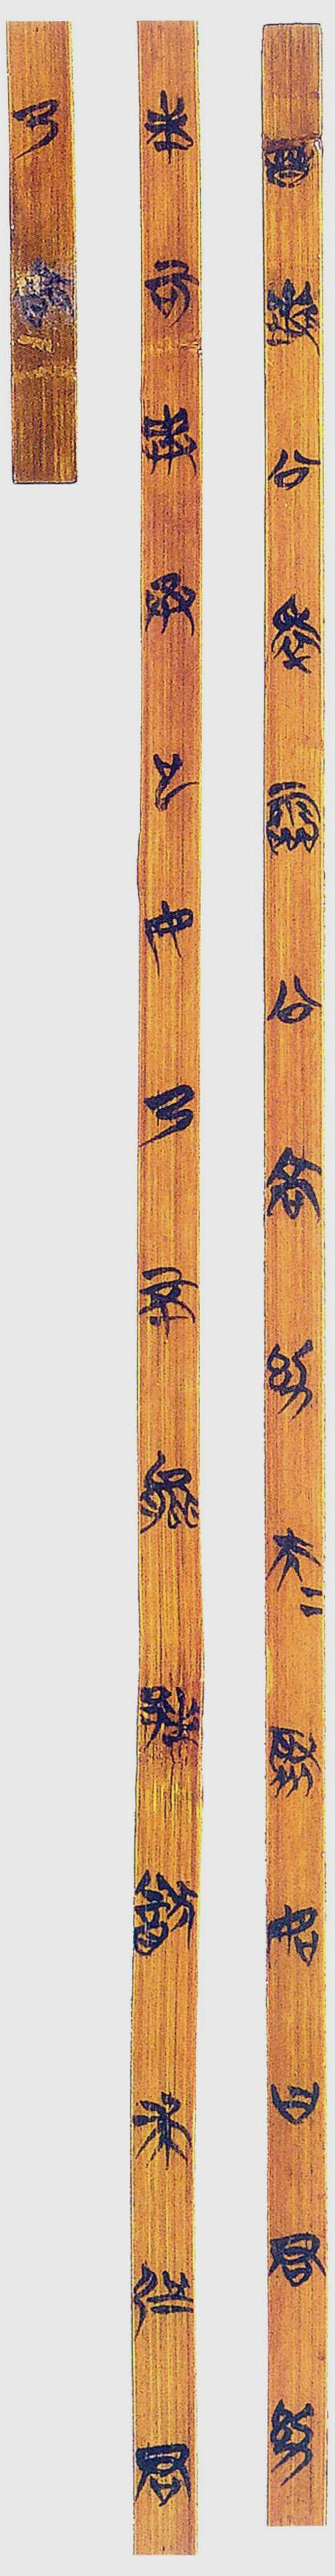晉襄公卒B霝公高幼夫=聚{母口}曰君幼未可奉承也母乃不能邦猶求{弓口二}君乃命
